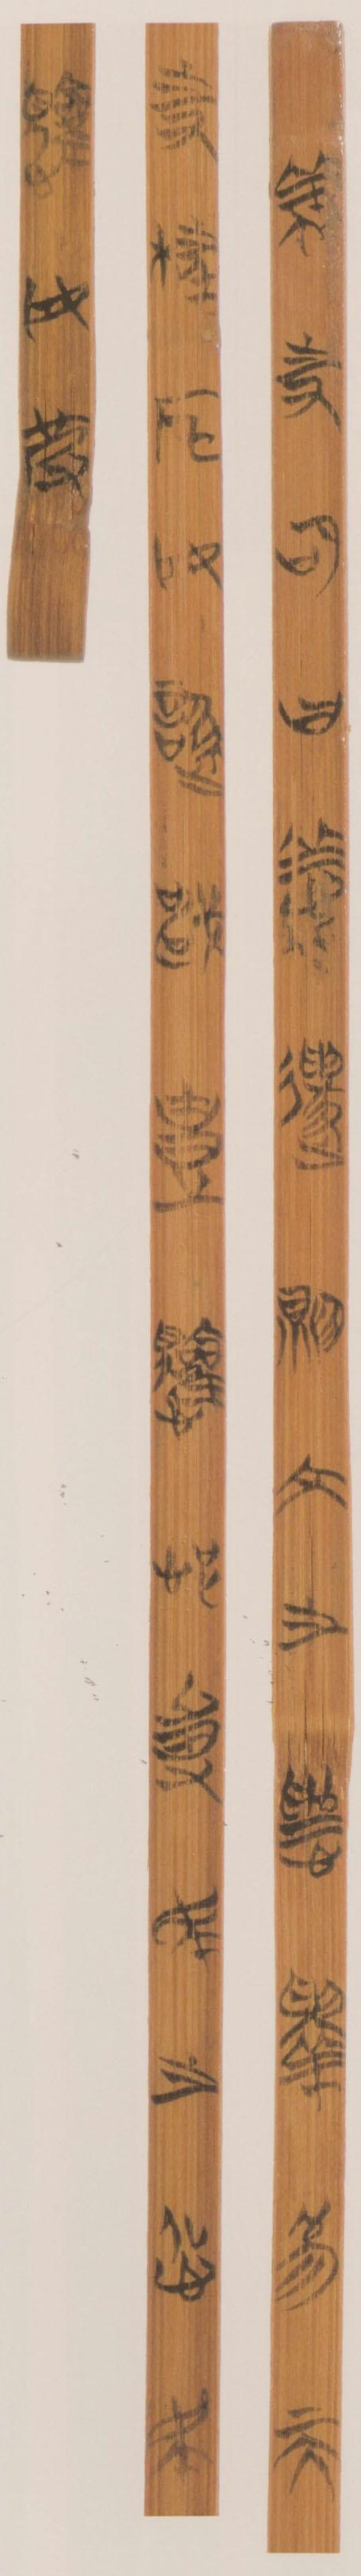{羊䖵}寺名曰恙{辶𦥔豕}則文之{爲心}鬲象天寺{木㞷}厇母{言尾止}{申戈}豊{觀心}怾尃民之{化心}民{觀心}母皮
